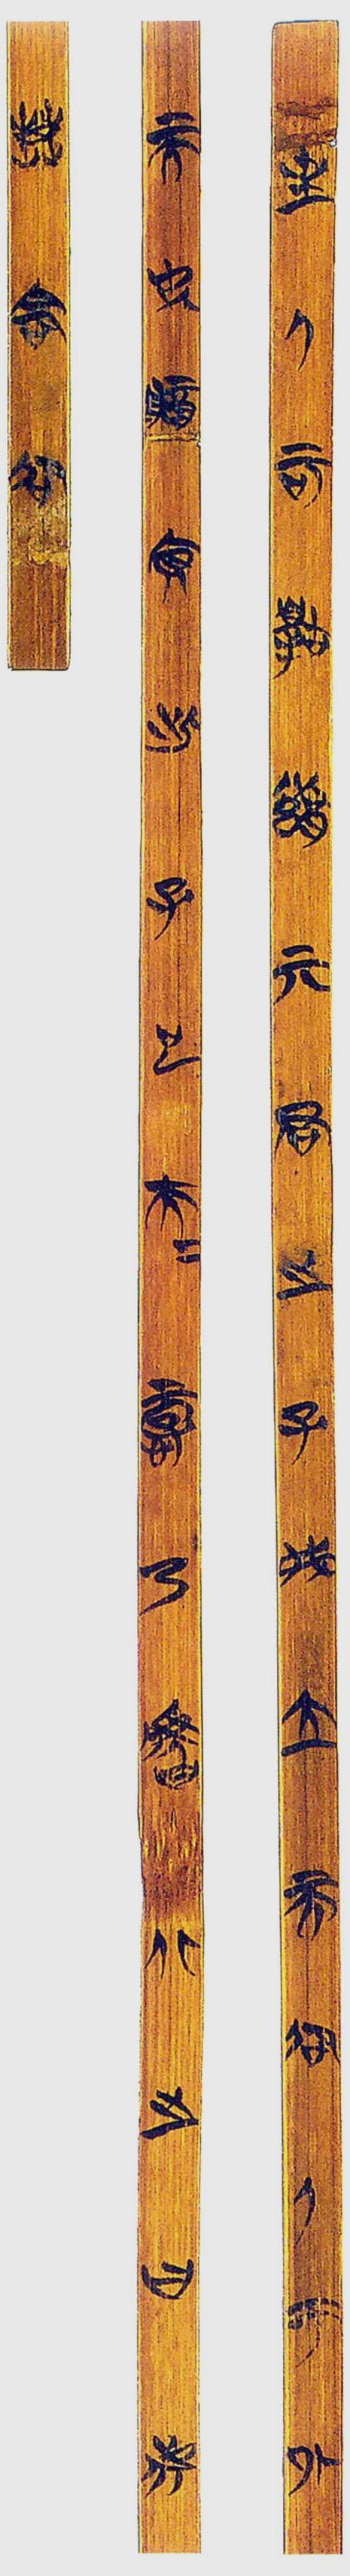生人可（何）{自辛古}豫亓君之子弗立而卲人于外而𡚦𨟻{宀貝}此子也夫={心亓子}乃{虍皆}北之曰我莫命卲
